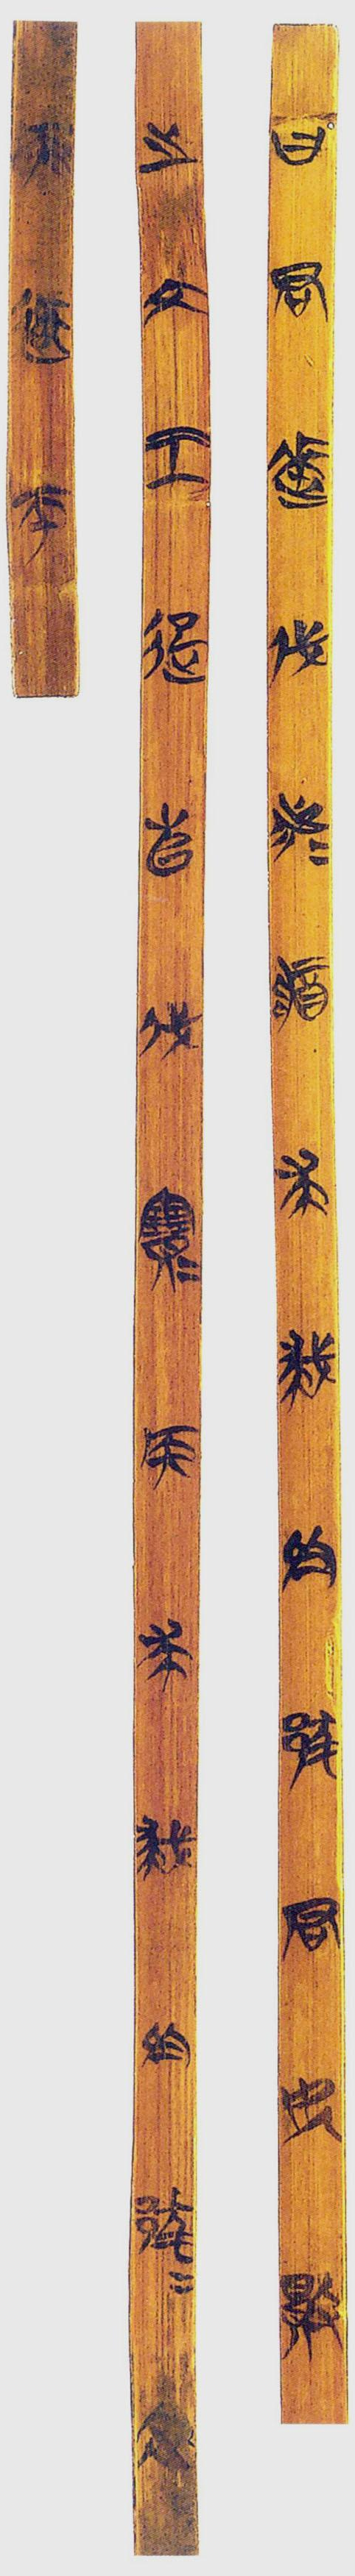曰君麥伐我=𨟻求{求戈}於○（蔡）君𡚦敗之文王起{山𡴎}伐賽=侯求{求戈}於○（蔡）哀侯{行幺止}帀
